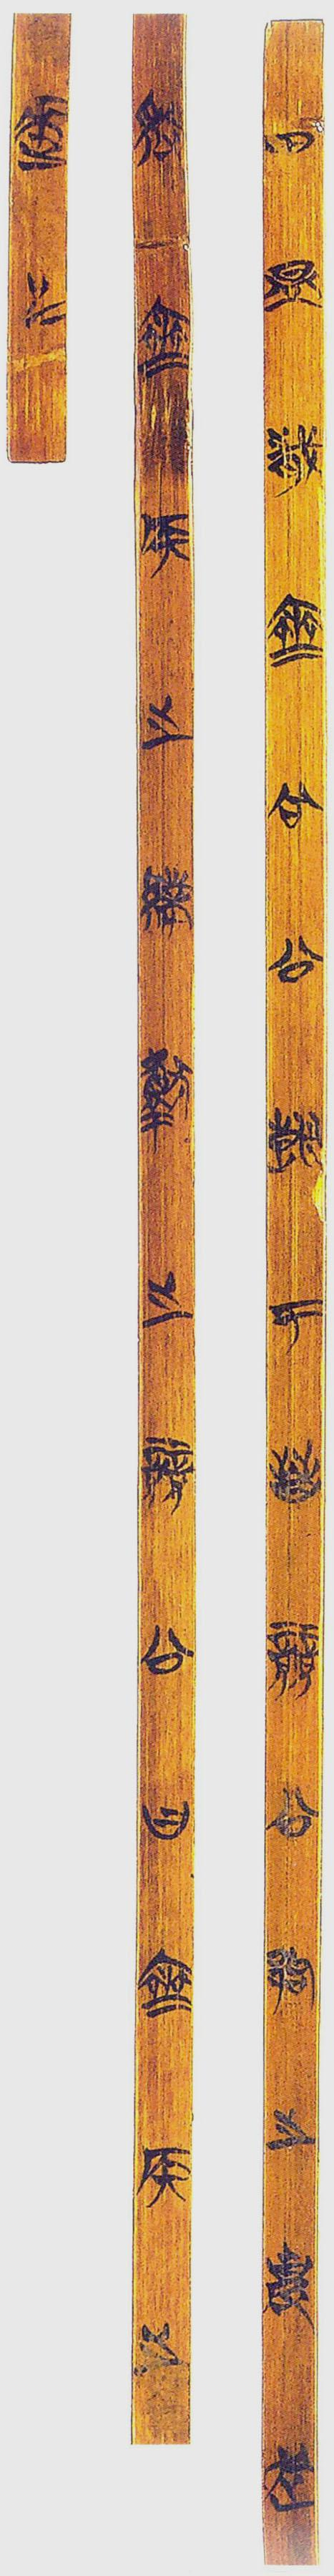田昷歲齊冋公朝于晉競公邭之尅走{爰攴}齊侯之{糸帶}獻之競公曰齊侯之麥也
